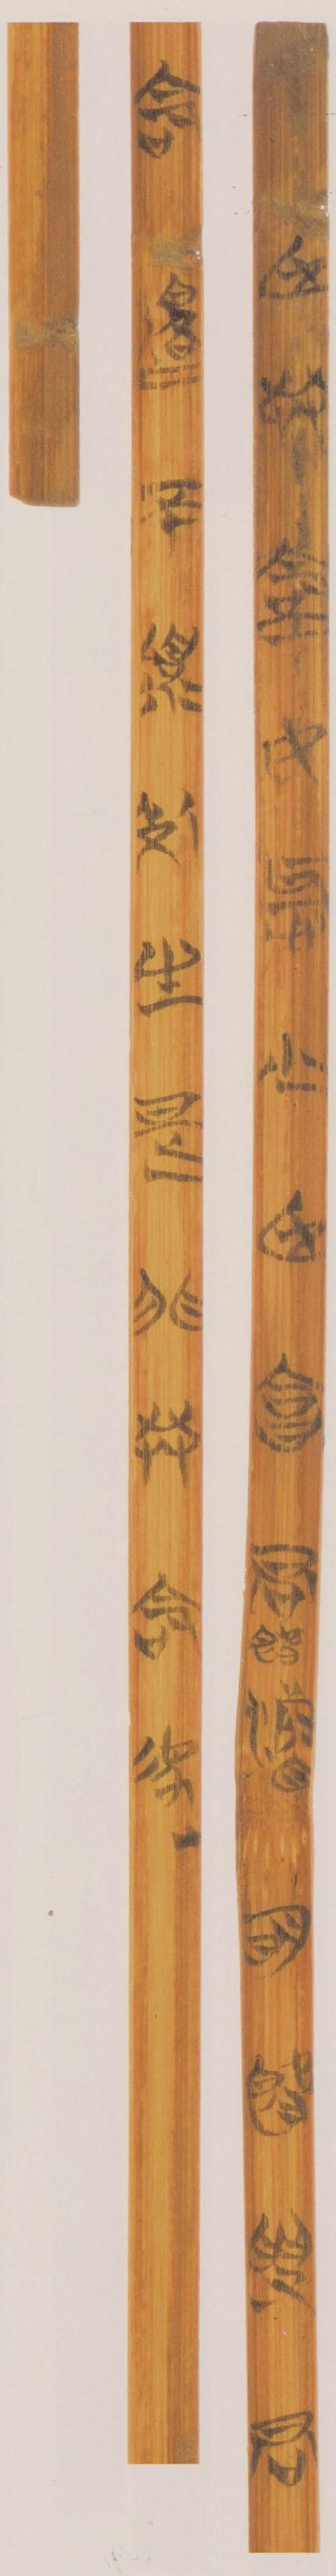臣共命女怠少臣合君既濬明既受君命退不寡死生是非共命虎
